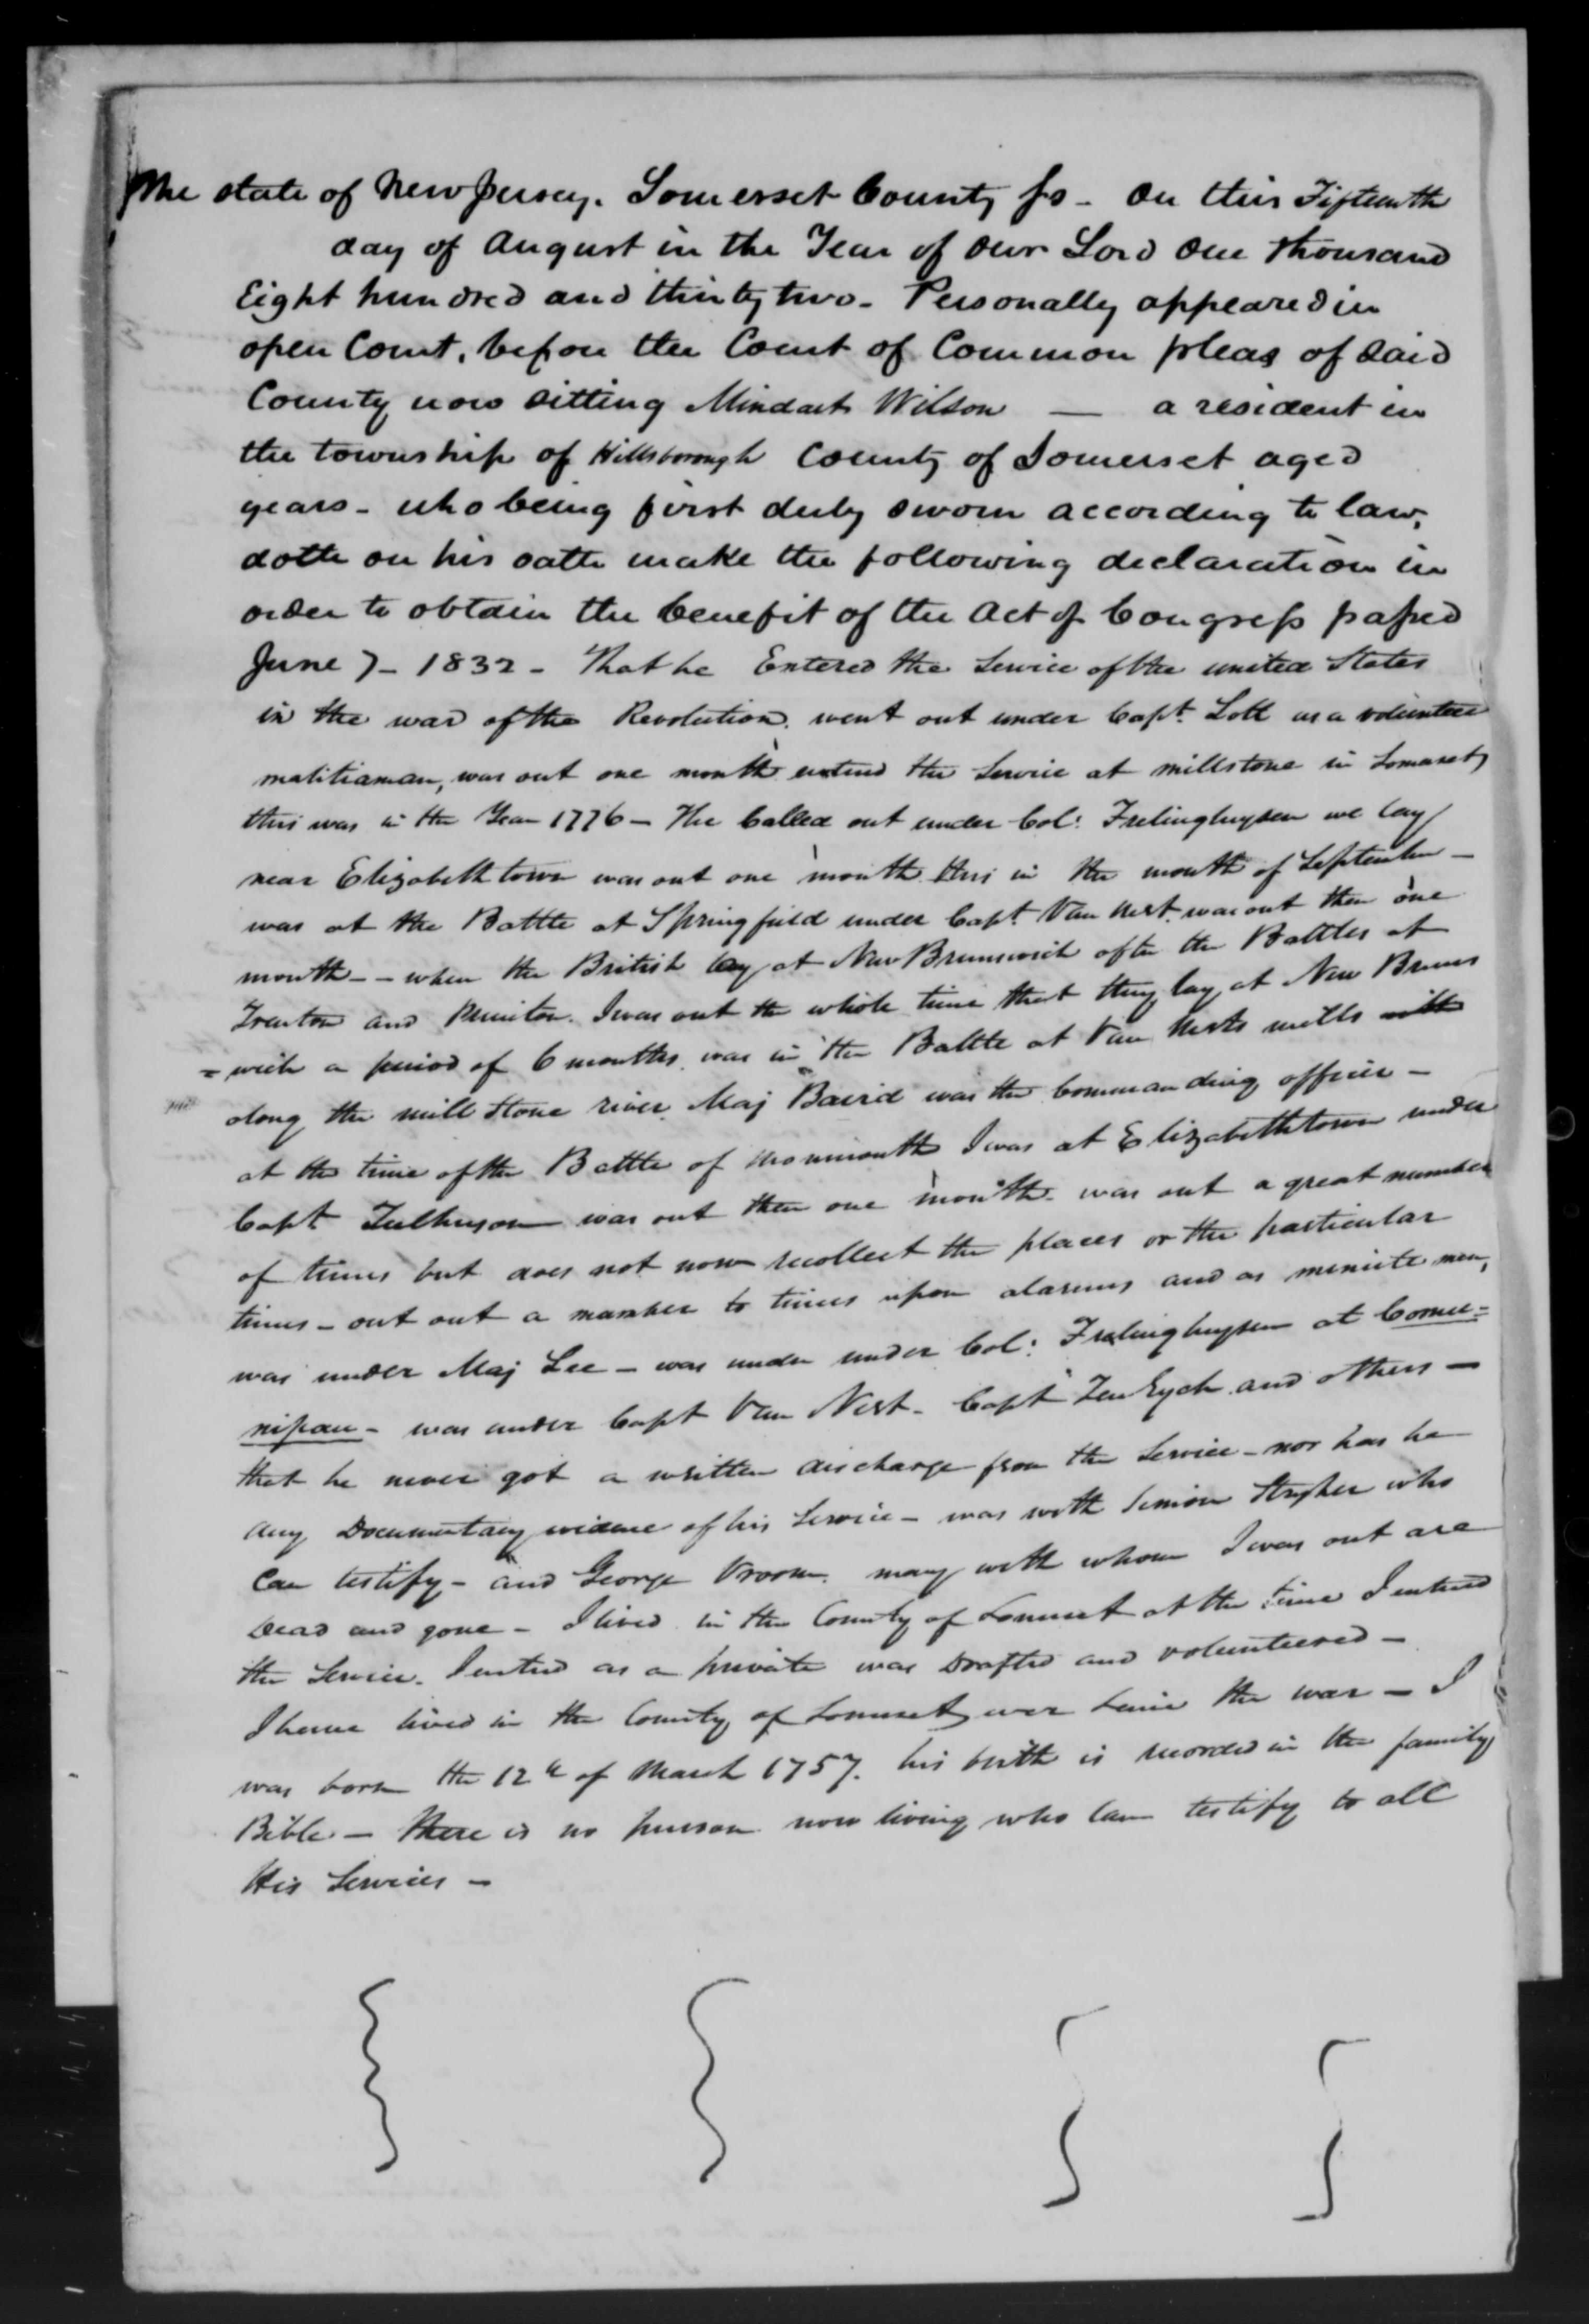The State of New Jersey, Somerset County ss. On this Fifteenth day of August in the year of our Lord one thousand Eight hundred and thirty two. Personally appeared in open Court, before the Court of Common pleas of said County now sitting Mindart Wilson -- a resident in the township of Hillsborough County of Somerset aged years, who being first duly sworn according to law, doth on his oath make the following declaration in order to obtain the benefit of the Act of Congress passed June 7, 1832. That he Entered the service of the United States in the war of the Revolution went out under Capt. Lott as a volunteer malitiaman [militiaman], was out one month entered the Service at Millstone in Somerset this was in the year 1776. The Called out under Col. Frelinghuysen we lay near Elizabethtown was out one month this in the month of September, was at the Battle at Springfield under Capt. Van Nest was out then one month when the British lay at New Brunswick after the Battles at Trenton and Princeton, I was out the whole time that they lay at New Brunswick a period of 6 months. was in the Battle at Van Nests mills along the mill stone river Maj Baird was the commanding officer -- at the time of the Battle of Monmouth I was at Elizabethtown under Capt Tulhuson was out then one month, was out a great number of times but does not now recollect the places or the particular times, out out a number to times upon alarms and as minutemen, was under Maj Lee, was under under Col. Frelinghuysen at Communipaw, was under Capt Van Nest Capt Ten Eyck and others, that he never got a written discharge from the service, nor has he any Documentary evidence of his service, was with Simon Stryker who can testify and George Vroom, many with whom I was out are dead and gone. I lived in the County of Somerset at the time I entered the service, I enterd as a private was drafted and volunteered. I have lived in the County of Somerset ever since the war. I was born the 12th of March 1757. his birth is recorded in the family Bible. There is no person now living who can testify to all His services.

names: Lott, Simon Stryker, Frelinghuysen, Lee, Fulkerson, George Vroom, Van Nest, Mindart Wilson, Ten Eyck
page: 6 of 40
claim: survivor's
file: S. 3564, Mindart Wilson, New Jersey